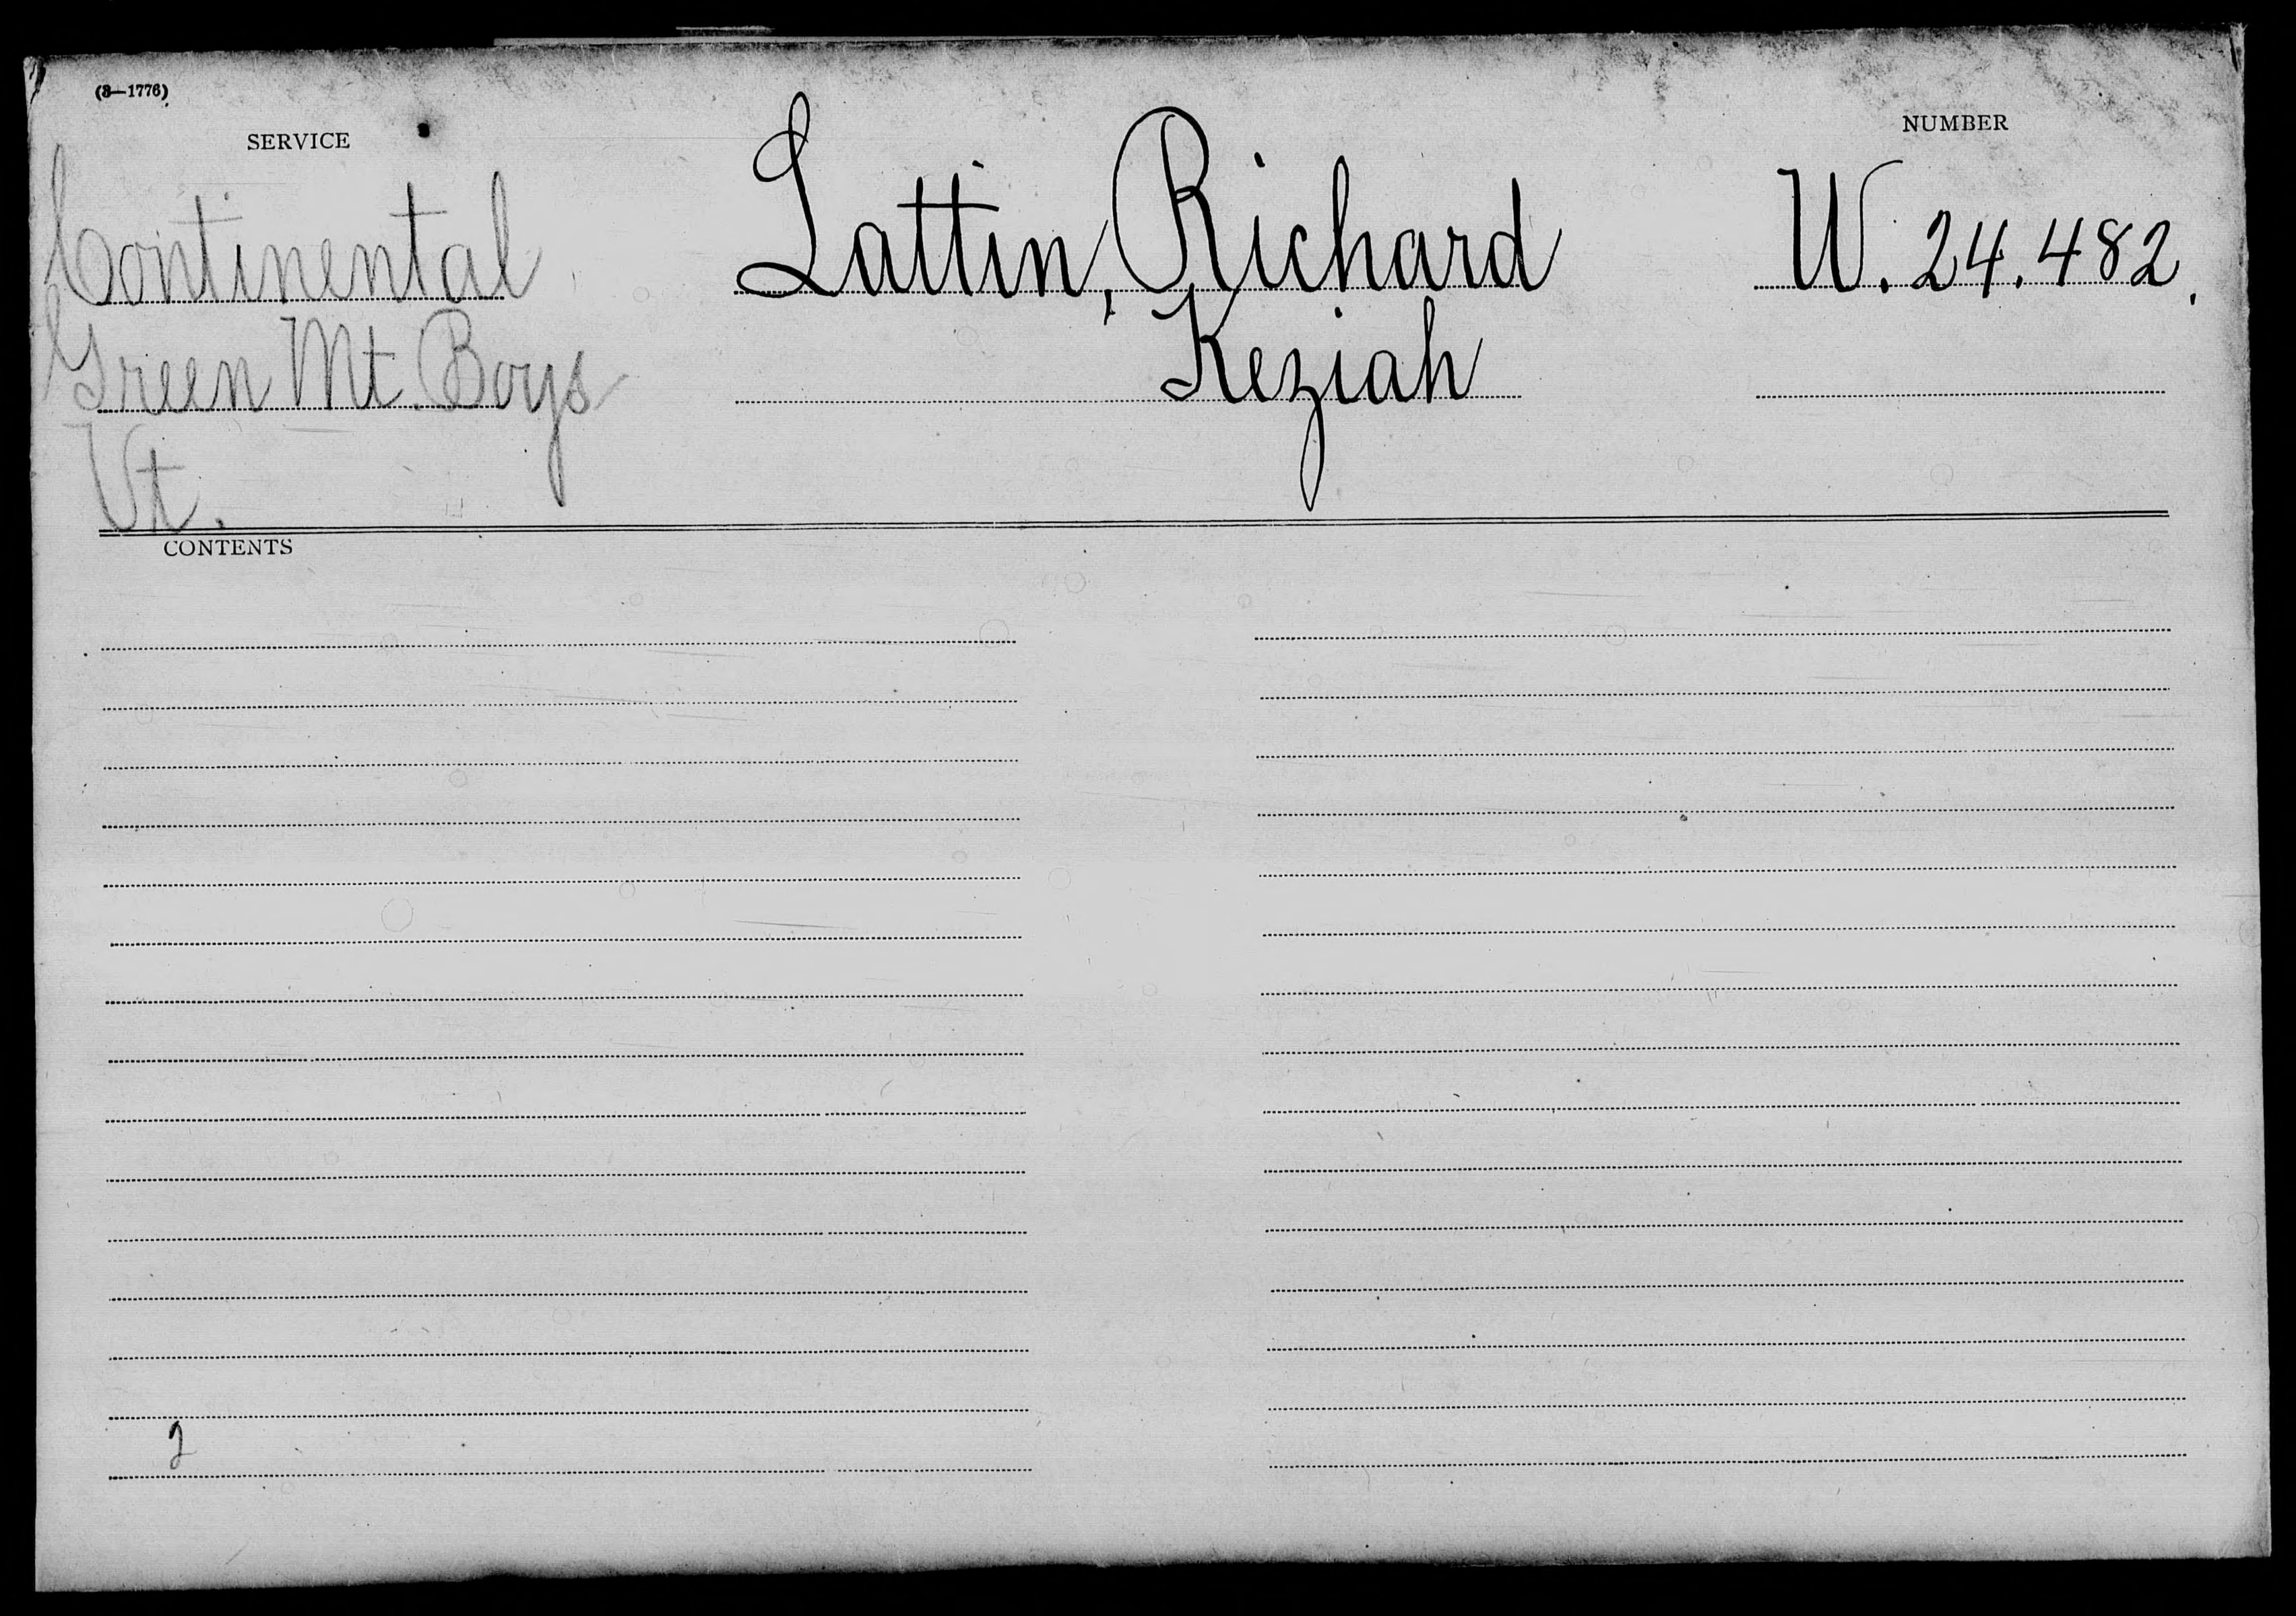(3 - 1776)
SERVICE
Continental
Green Mt Boys
Vt

Lattin, Richard
Keziah

NUMBER
W. 24.482

CONTENTS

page: 1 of 99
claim: widow's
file: W. 24,482, for Richard Lattin, Vermont